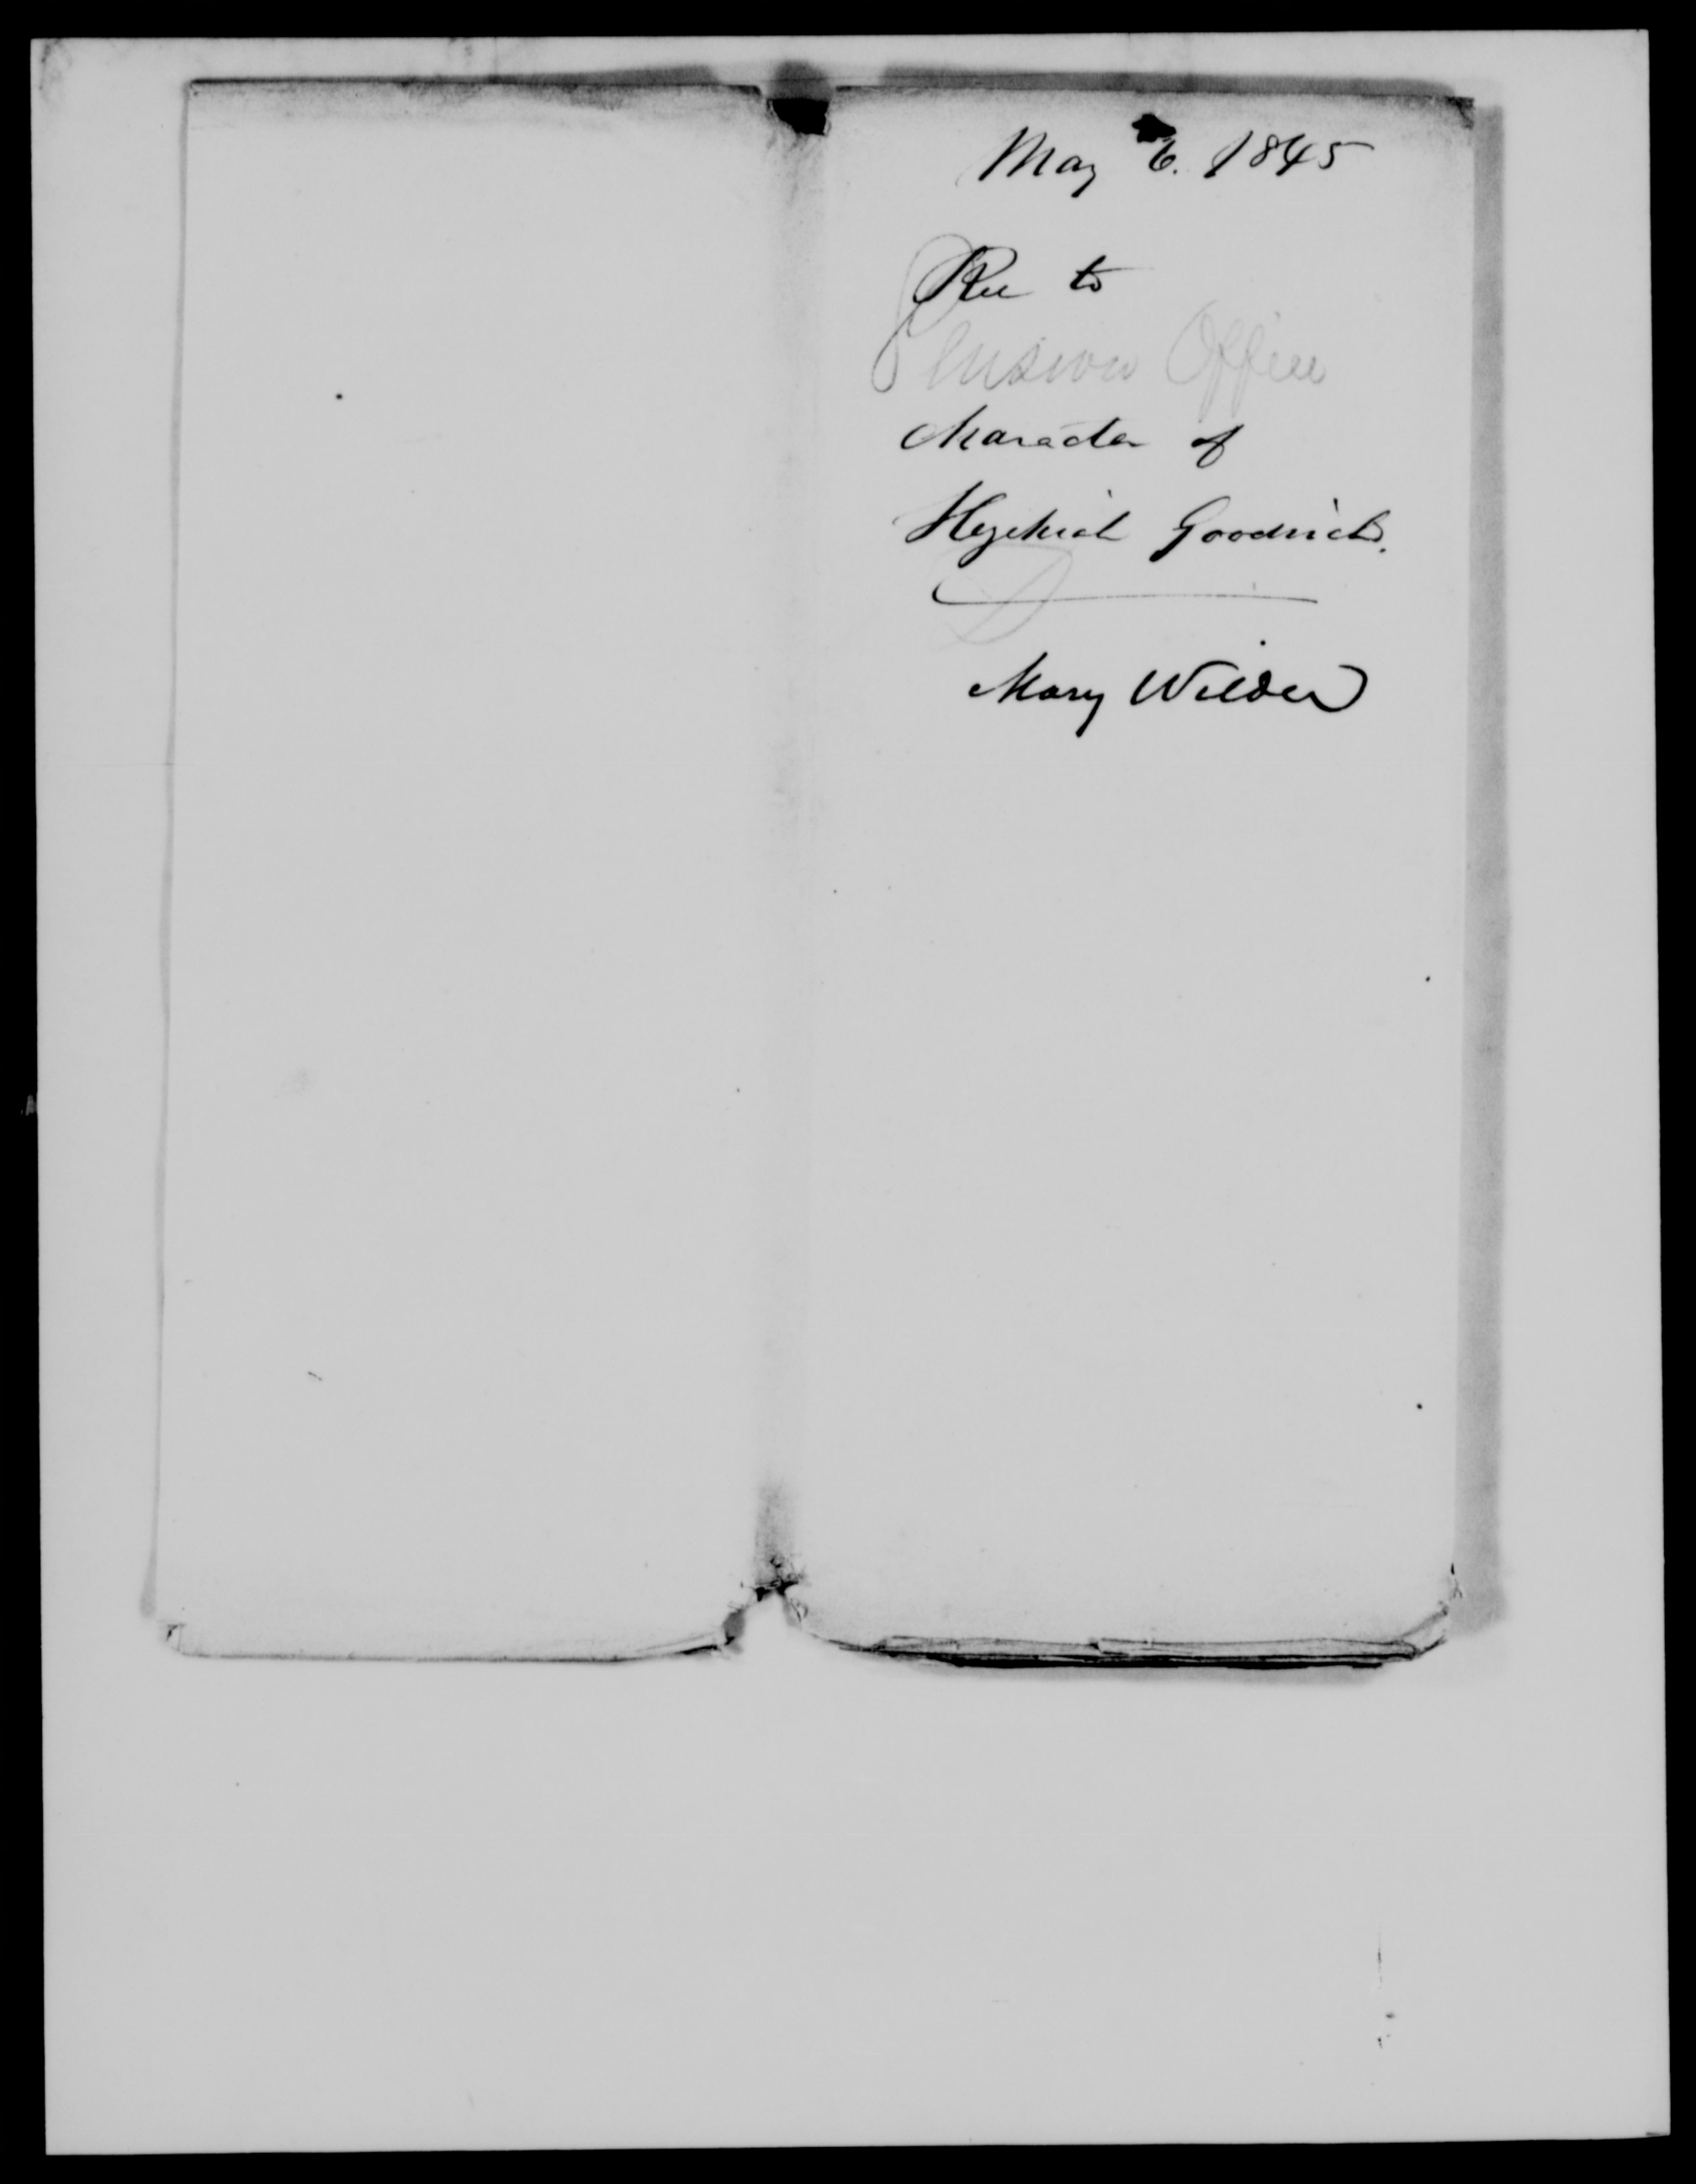May 6 1845
Ru to Pension Office Character of Hezekiah Goodrich Mary Wilder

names: Mary Wilder, Hezekiah Goodrich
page: 13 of 40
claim: widow's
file: W. 18,426, Abel Wilder, Mass. N.H. Vt.